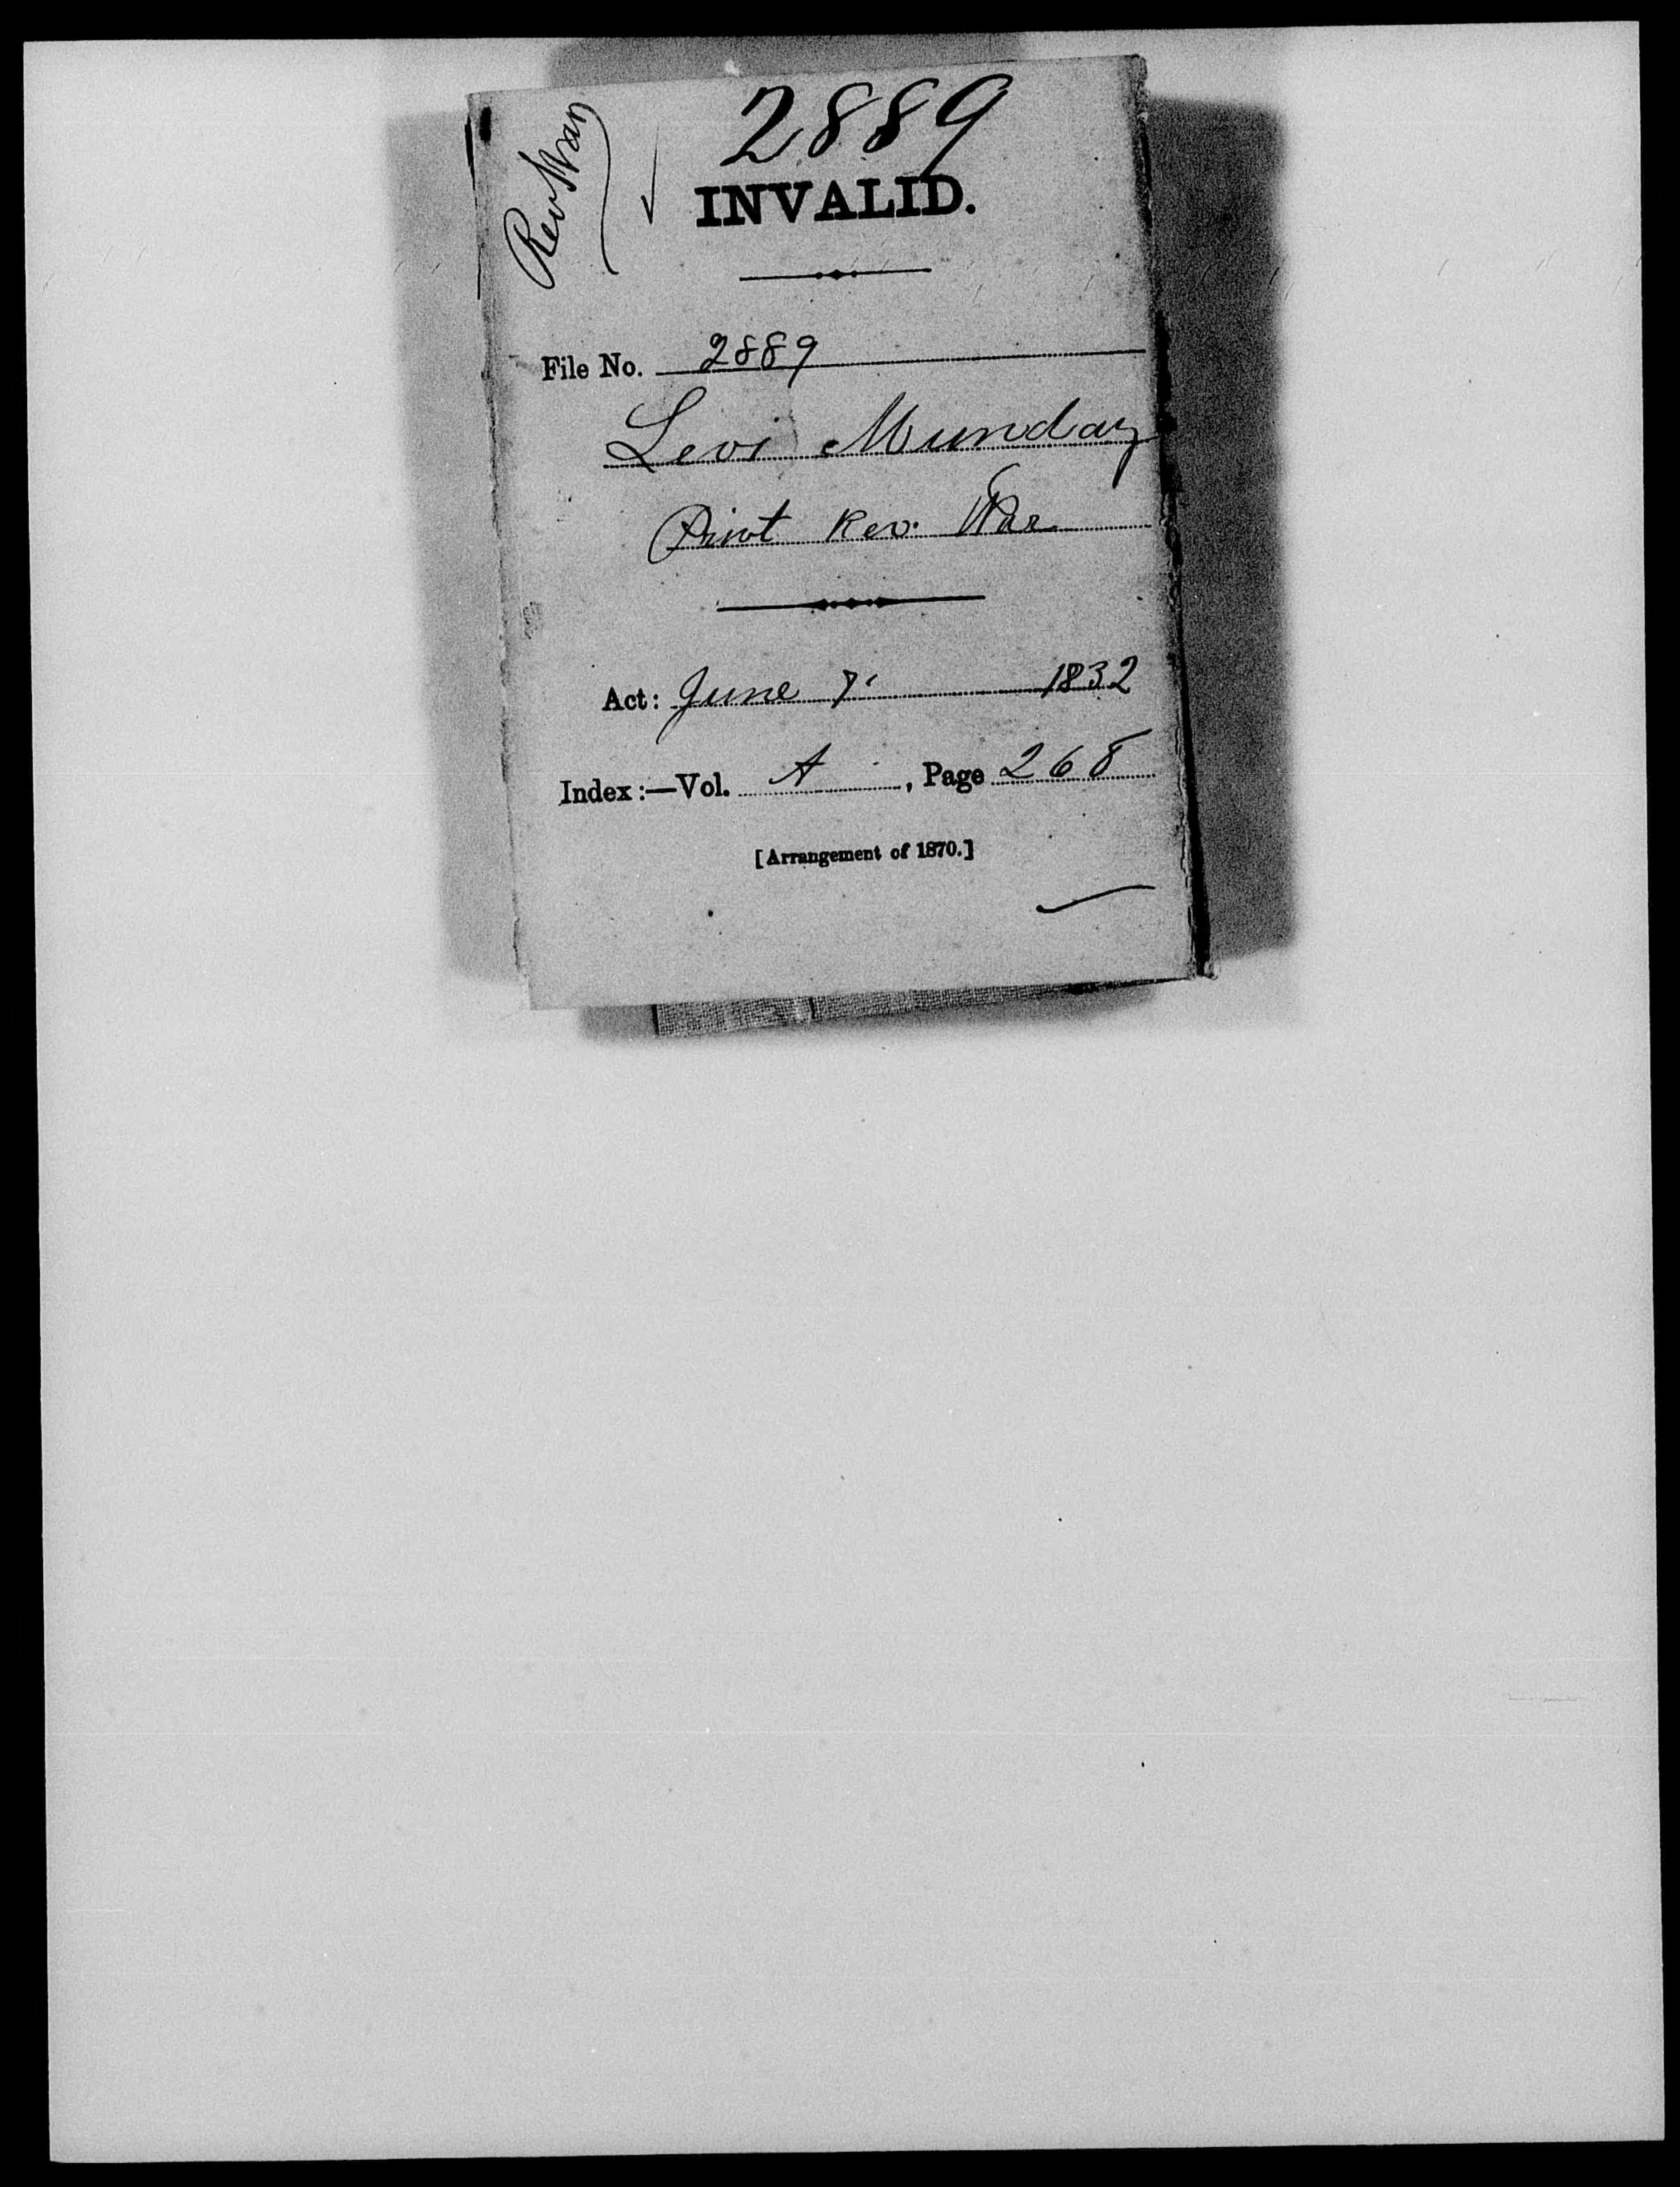2889
Rev(olutionary) War
INVALID.
File No. 2889
Levi Munday
Pri(vate) Rev(olutionary) War
Act June 7th 1832.
Index: - Vol. A, Page 268
{Arrangement of 1870.}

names: Levi Munday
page: 12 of 95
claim: survivor's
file: S 2889, for Levi Mundy, New Jersey